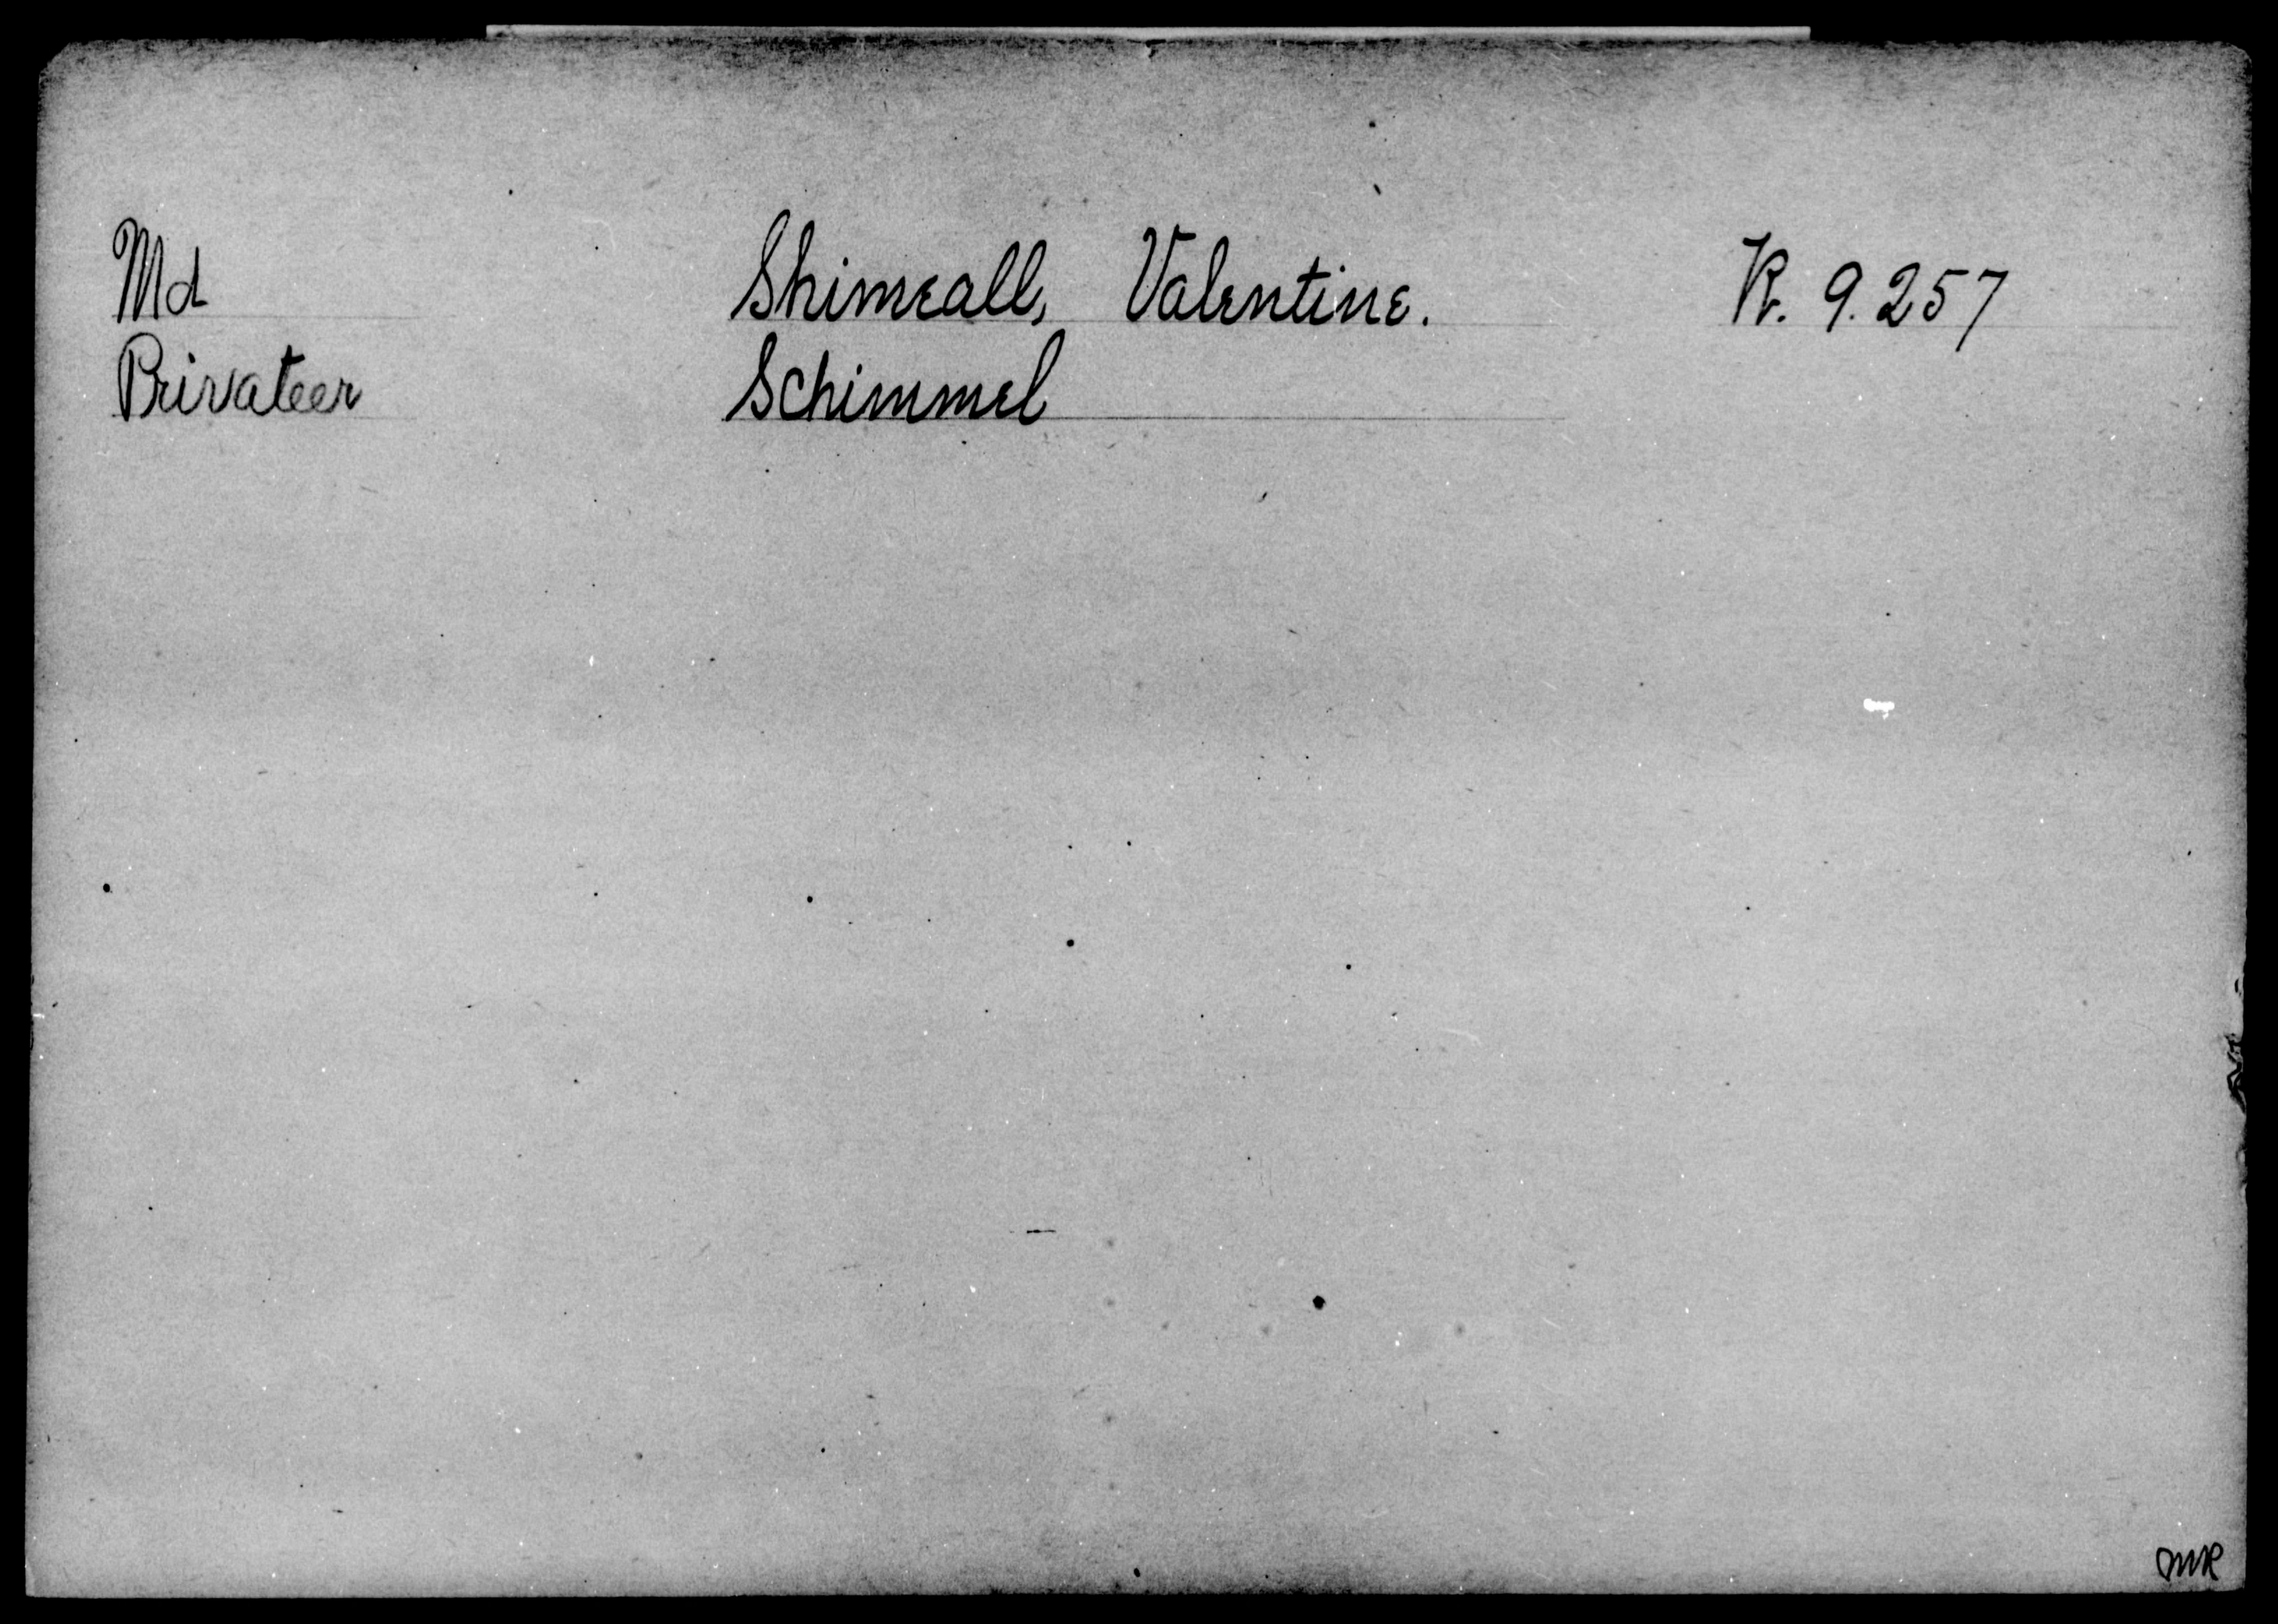Md
Privateer

Shimeall, Valentine.
Schimmel

R. 9,257

[lower right corner] [?]WR [/lower right corner]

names: Valentine Schimmel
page: 1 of 1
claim: rejected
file: R. 9,257, for Valentine Shimeall, Maryland